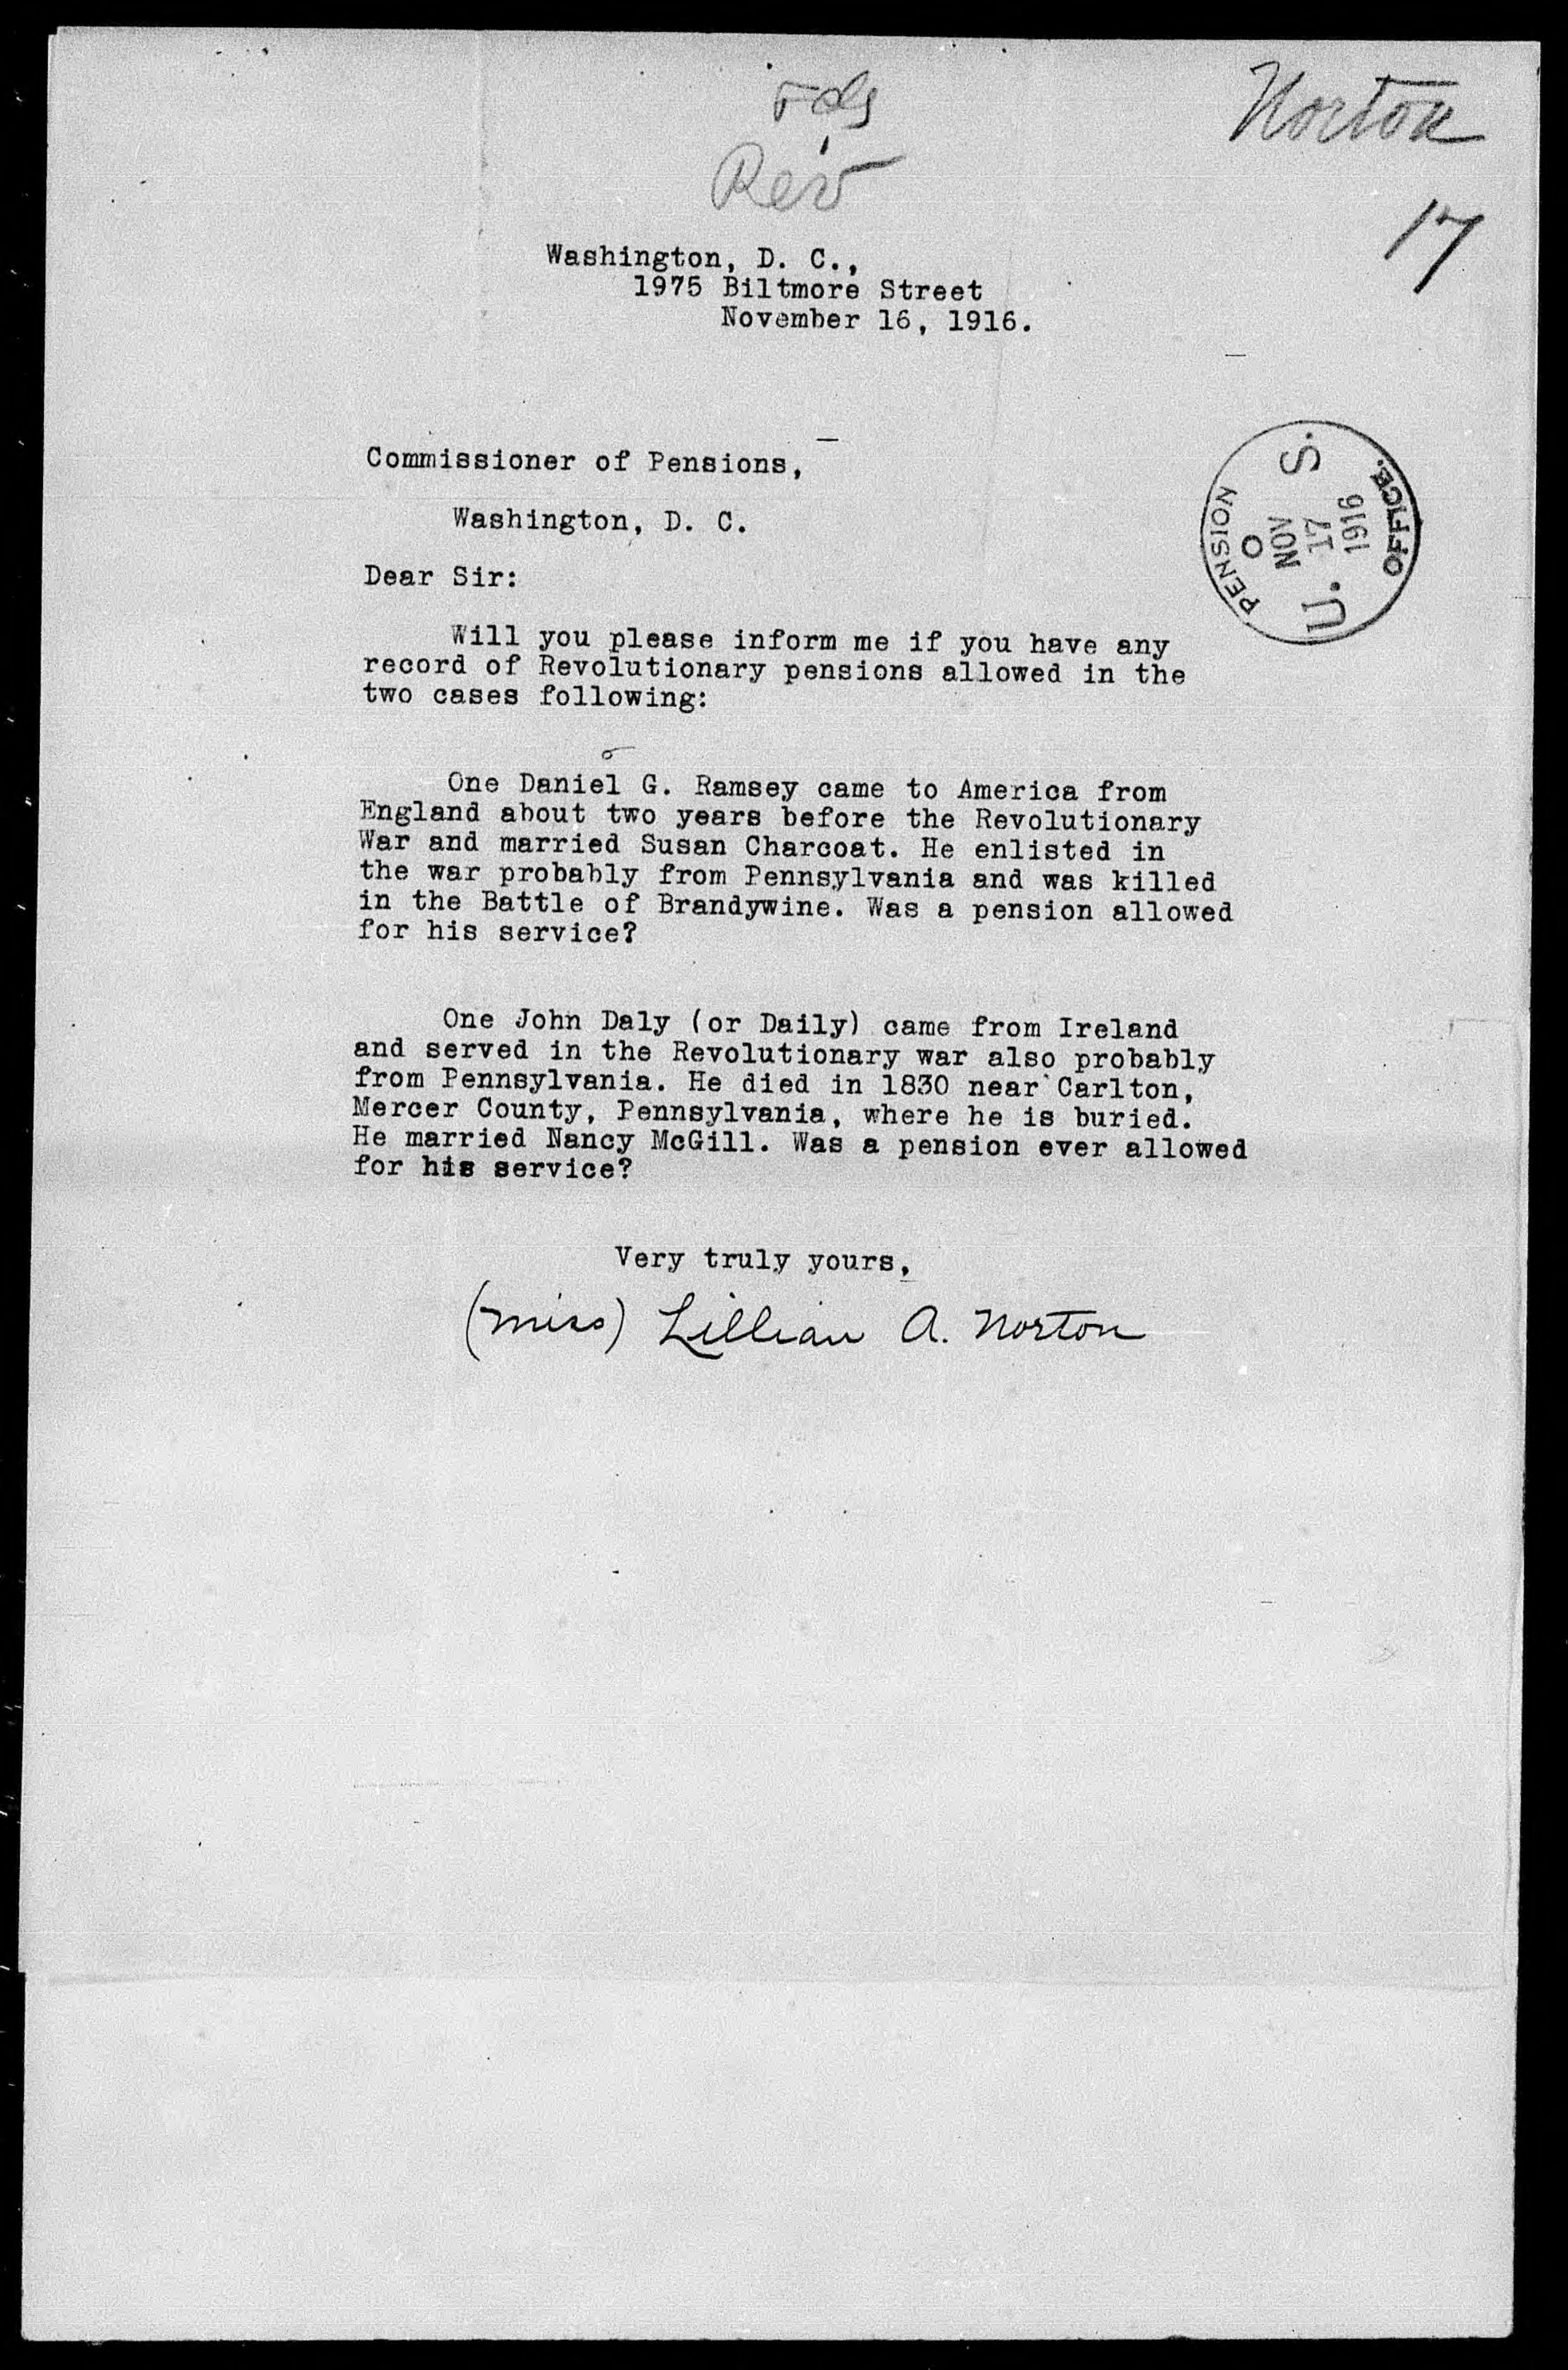[note, top]
Fds
Rev

[note, top right]
Norton
17

[stamp, left margin]
U. S. PENSION OFFICE
O
NOV 17 1916

Washington, D. C.,
1975 Biltmore Street
November 16, 1916.

Commissioner of Pensions,

Washington, D. C.

Dear Sir:

Will you please inform me if you have any record of Revolutionary pensions allowed in the two cases following:

One Daniel G. Ramsey came to America from England about two years before the Revolutionary War and married Susan Charcoat. He enlisted in the war probably from Pennsylvania and was killed in the Battle of Brandywine. Was a pension allowed for his service?

One John Daly (or Daily) came from Ireland and served in the Revolutionary war also probably from Pennsylvania. He died in 1830 near Carlton, Mercer County, Pennsylvania, where he is buried. He married Nancy McGill. Was a pension ever allowed for his service?

Very truly yours.
(Miss) Lilliam A. Norton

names: Nancy Mc Gill, Susan Charcoat, Daniel G Ramsey, Lillian A Norton, John Daily, John Daly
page: 56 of 63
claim: widow's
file: W. 3228, John Daly, Penn.